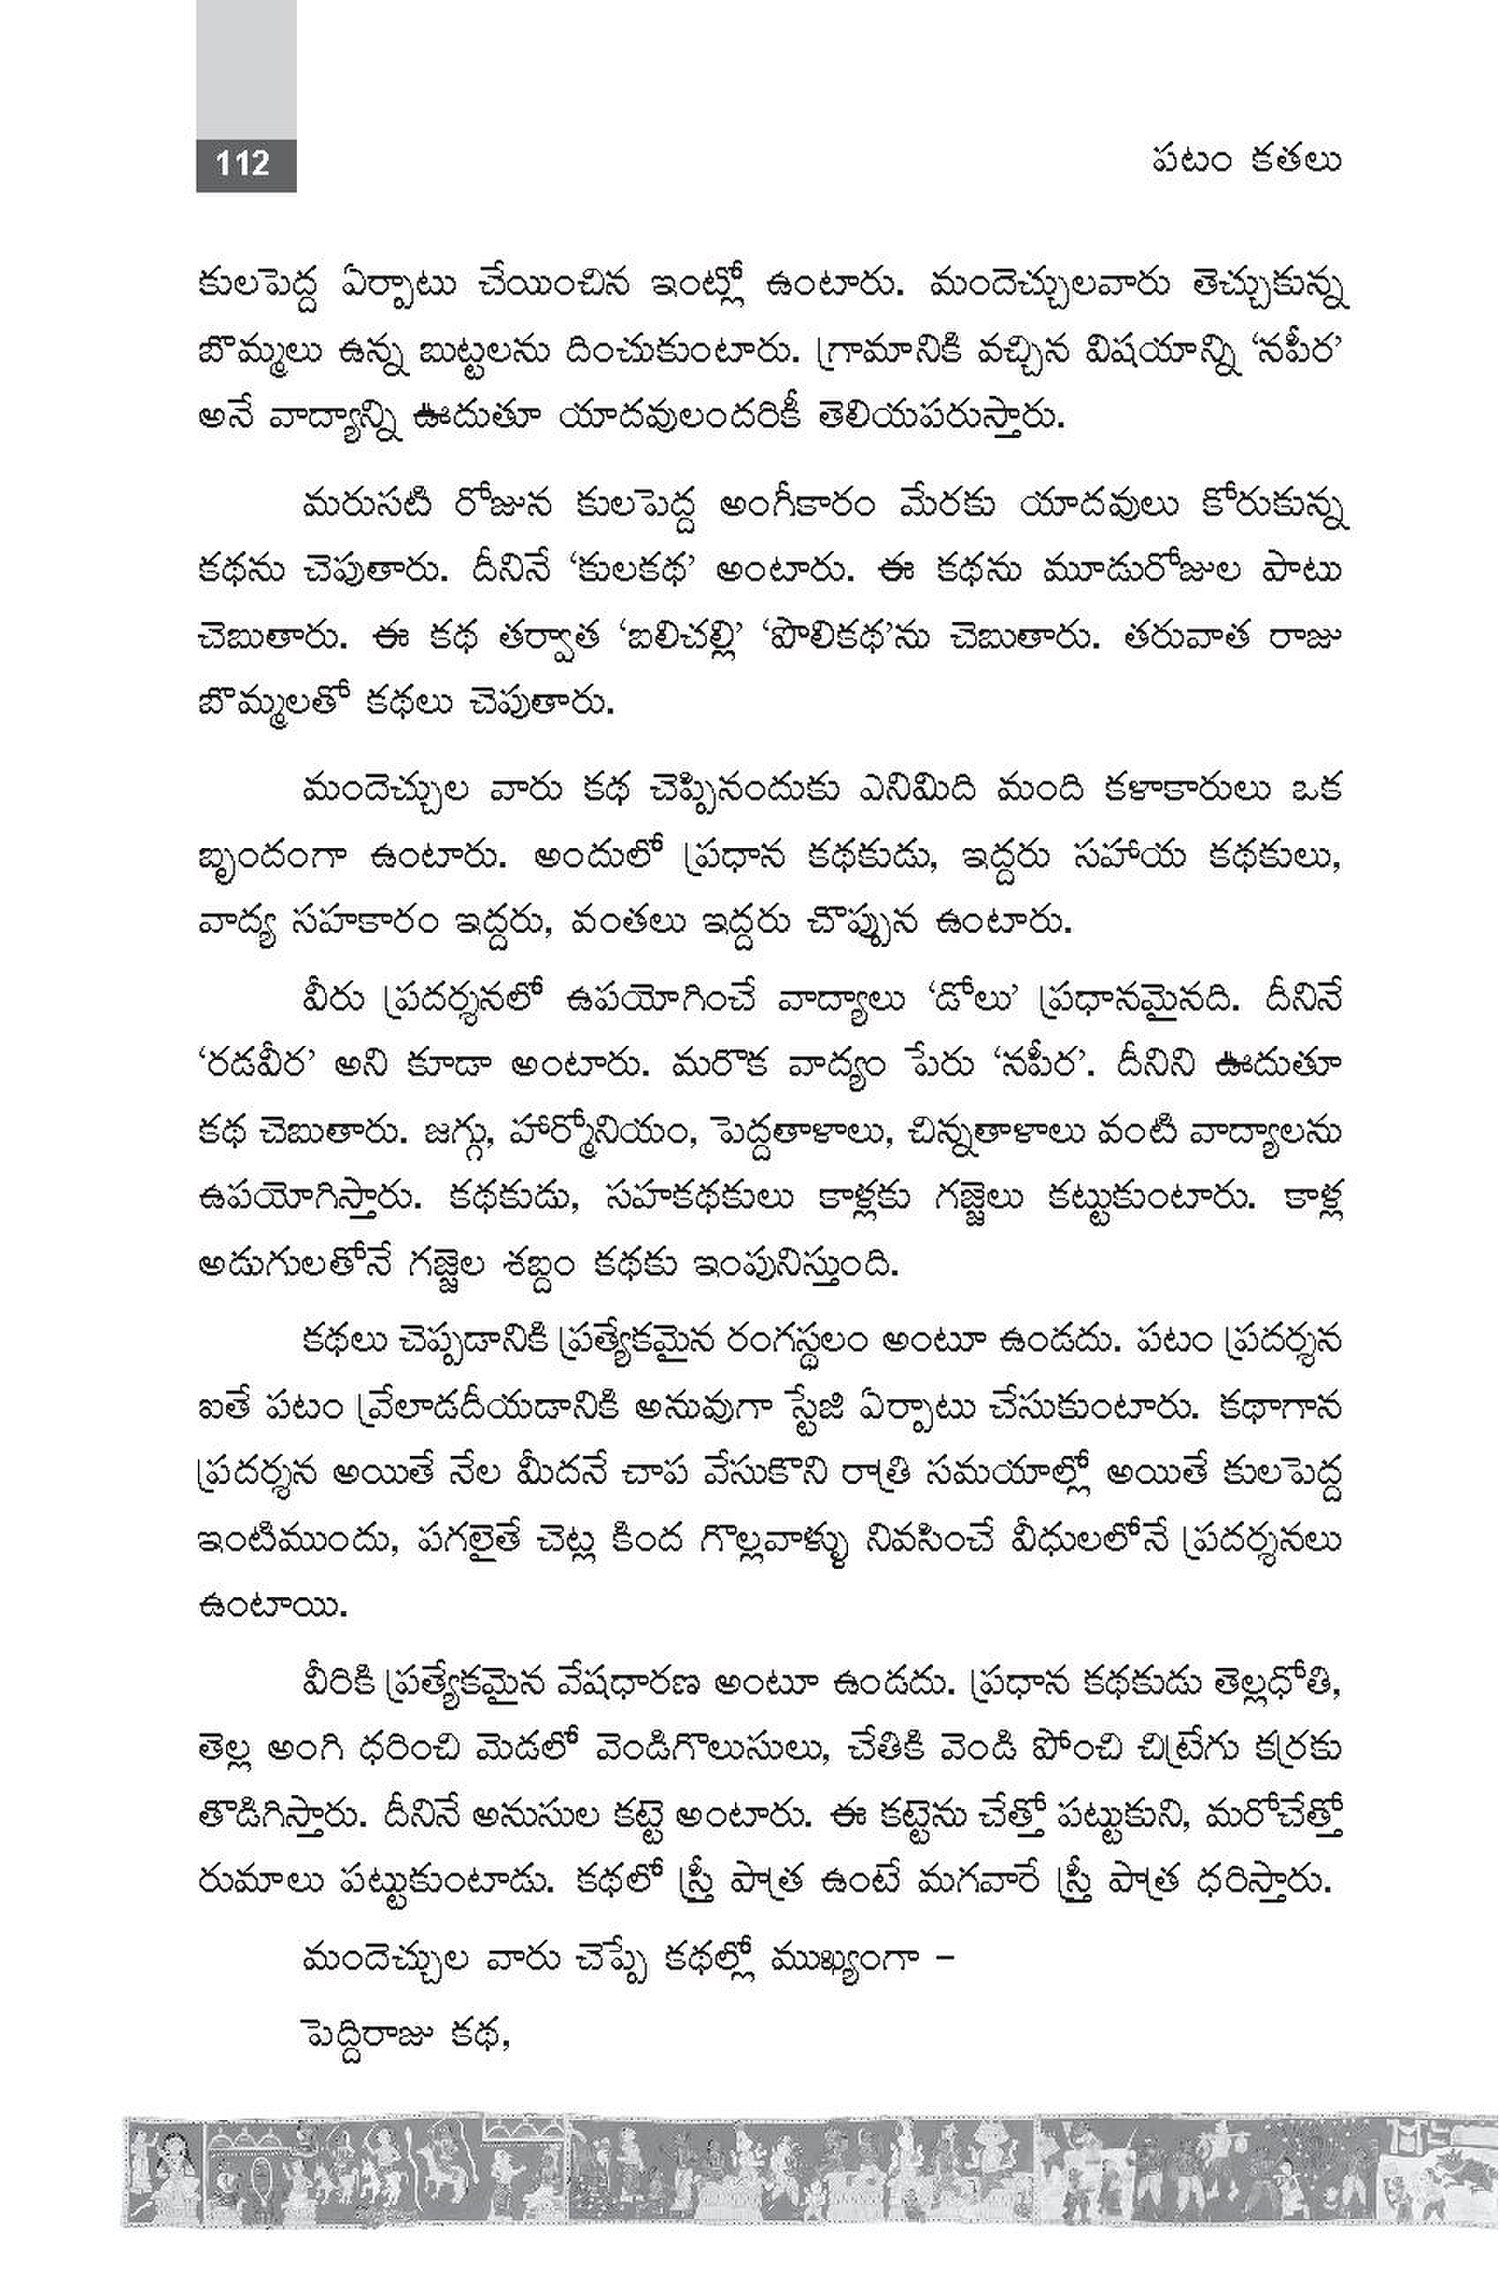కులపెద్ద ఏర్పాటు చేయించిన ఇంట్లో ఉంటారు. మందెచ్చులవారు తెచ్చుకున్న బొమ్మలు ఉన్న బుట్టలను దించుకుంటారు. గ్రామానికి వచ్చిన విషయాన్ని 'నపీర' అనే వాద్యాన్ని ఊదుతూ యాదవులందరికీ తెలియపరుస్తారు.

మరుసటి రోజున కులపెద్ద అంగీకారం మేరకు యాదవులు కోరుకున్న కథను చెపుతారు. దీనినే 'కులకథ' అంటారు. ఈ కథను మూడురోజుల పాటు చెబుతారు. ఈ కథ తర్వాత 'బలిచల్లి' 'పొలికథ'ను చెబుతారు. తరువాత రాజు
బొమ్మలతో కథలు చెపుతారు.

మందెచ్చుల వారు కథ చెప్పినందుకు ఎనిమిది మంది కళాకారులు ఒక బృందంగా ఉంటారు. అందులో ప్రధాన కథకుడు, ఇద్దరు సహాయ కథకులు, వాద్య సహకారం ఇద్దరు, వంతలు ఇద్దరు చొప్పున ఉంటారు. 

వీరు ప్రదర్శనలో ఉపయోగించే వాద్యాలు 'డోలు' ప్రధానమైనది. దీనినే 'రడవీర' అని కూడా అంటారు. మరొక వాద్యం పేరు 'నపీర'. దీనిని ఊదుతూ కథ చెబుతారు. జగ్గు, హార్మోనియం, పెద్దతాళాలు, చిన్నతాళాలు వంటి వాద్యాలను
ఉపయోగిస్తారు. కథకుడు, సహకథకులు కాళ్లకు గజ్జెలు కట్టుకుంటారు. కాళ్ల అడుగులతోనే గజ్జెల శబ్దం కథకు ఇంపునిస్తుంది.

కథలు చెప్పడానికి ప్రత్యేకమైన రంగస్థలం అంటూ ఉండదు. పటం ప్రదర్శన ఐతే పటం వ్రేలాడదీయడానికి అనువుగా స్టేజి ఏర్పాటు చేసుకుంటారు. కథాగాన ప్రదర్శన అయితే నేల మీదనే చాప వేసుకొని రాత్రి సమయాల్లో అయితే కుల పెద్ద ఇంటిముందు, పగలైతే చెట్ల కింద గొల్లవాళ్ళు నివసించే వీధులలోనే ప్రదర్శనలు ఉంటాయి.

వీరికి ప్రత్యేకమైన వేషధారణ అంటూ ఉండదు. ప్రధాన కథకుడు తెల్లధోతి, తెల్ల అంగి ధరించి మెదలో వెండి గొలుసులు, చేతికి వెండి పోంచి చిట్రేగు కర్రకు తొడిగిస్తారు. దీనినే అనుసుల కట్టె అంటారు. ఈ కట్టెను చేత్తో పట్టుకుని, మరోచేత్తో రుమాలు పట్టుకుంటాడు. కథలో స్త్రీ పాత్ర ఉంటే మగవారే స్త్రీ పాత్ర ధరిస్తారు.

మందెచ్చుల వారు చెప్పే కథల్లో ముఖ్యంగా -

పెద్దిరాజు కథ,